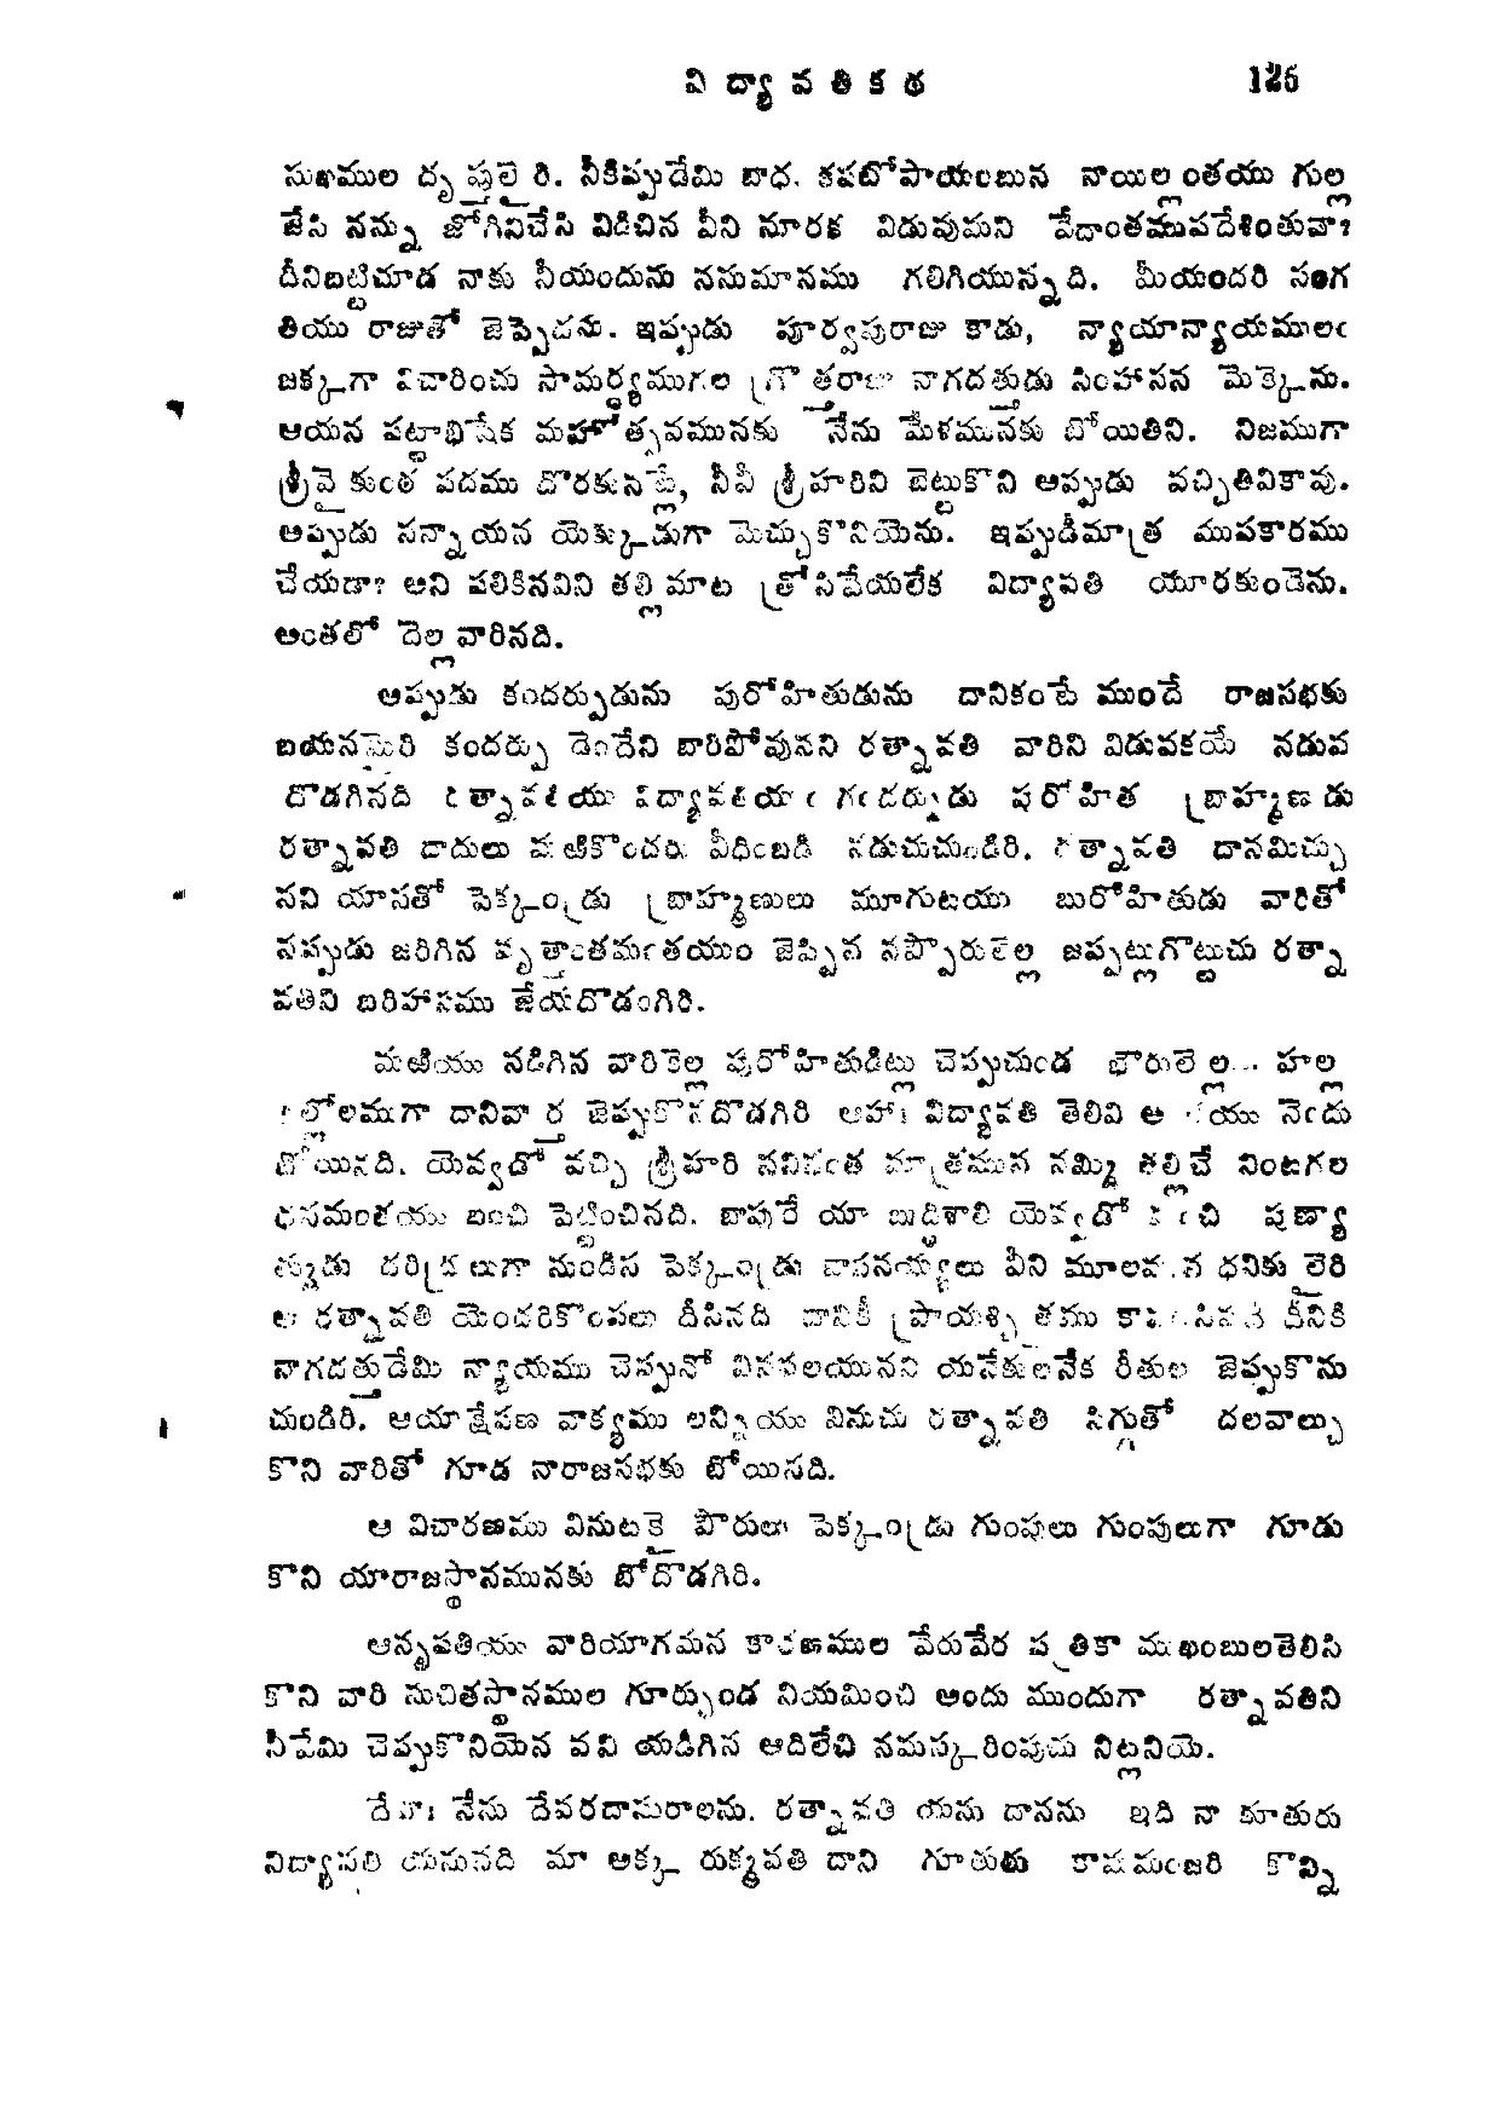సుఖముల దృప్తులైరి. నీకిప్పుడేమి బాధ. కపటోపాయంబున నాయిల్లంతయు గుల్ల జేసి నన్ను జోగినిచేసి విడిచిన వీని నూరక విడువుమని వేదాంత ముపదేశింతువా? దీనిబట్టిచూడ నాకు నీయందును ననుమానము గలిగియున్నది. మీయందరి సంగతియు రాజుతో జెప్పెదను. ఇప్పుడు పూర్వపురాజు కాడు, న్యాయాన్యాయములఁ జక్కగా విచారించు సామర్థ్యముగల గ్రొత్తరాజు నాగదత్తుడు సింహాసన మెక్కెను. ఆయన పట్టాభిషేకమహోత్సవమునకు నేను మేళమునకు బోయితిని. నిజముగా శ్రీవైకుంఠపదము దొరకునట్లే, నీవీ శ్రీహరిని బెట్టుకొని అప్పుడు వచ్చితివికావు. అప్పుడు నన్నాయన యెక్కుడుగా మెచ్చుకొనియెను. ఇప్పు డీమాత్ర ముపకారము చేయడా? అని పలికిన విని తల్లిమాట త్రోసివేయలేక విద్యాపతి యూరకుండెను. అంతలో దెల్లవారినది.

అప్పుడు కందర్పుడును పురోహితుడును దానికంటే ముందే రాజసభకు బయనమైరి కందర్పు డెందేని బారిపోవునని రత్నావతి వారిని విడువకయే నడువ దొడగినది రత్నావతియు విద్యావతియుఁ గందర్పుడు పురోహిత బ్రాహ్మణుడు రత్నావతి దాదులు మఱికొందరు వీధింబడి నడుచుచుండిరి. రత్నావతి దానమిచ్చునని యాసతో పెక్కండ్రు బ్రాహ్మణులు మూగుటయు బురోహితుడు వారితో నప్పుడు జరిగిన వృత్తాంతమంతయుం జెప్పిన నప్పౌరులెల్ల జప్పట్లుగొట్టుచు రత్నావతిని బరిహాసము జేయదొడంగిరి.

మఱియు నడిగిన వారికెల్ల పురోహితుడిట్లు చెప్పుచుండ బౌరులెల్లరు హల్లకల్లోలముగా దానివార్త జెప్పుకొనదొడగిరి ఆహా! విద్యావతి తెలివి అంతయు నెందుబోయినది. యెవ్వడో వచ్చి శ్రీహరి ననినంత మాత్రమున నమ్మి తల్లిచే నింటగల ధనమంతయు బంచి పెట్టించినది. బాపురే యా బుద్ధిశాలి యెవ్వడో మంచి పుణ్యాత్ముడు దరిద్రులుగా నుండిన పెక్కండ్రు బాపనయ్యలు వీని మూలమున ధనికులైరి ఆ రత్నావతి యెందరికొంపలు దీసినది దానికి ప్రాయశ్చిత్తము కావలసినదే దీనికి నాగదత్తు డేమి న్యాయము చెప్పునో వినవలయునని యనేకు లనేకరీతుల జెప్పుకొనుచుండిరి. ఆయాక్షేపణవాక్యము లన్నియు వినుచు రత్నావతి సిగ్గుతో దలవాల్చుకొని వారితో గూడ నారాజసభకు బోయినది.

ఆ విచారణము వినుటకై పౌరులు, పెక్కండ్రు గుంపులు గుంపులుగా గూడు కొని యారాజస్థానమునకు బోదొడగిరి.

ఆనృపతియు వారియాగమనకారణముల వేరువేర పత్రికాముఖంబుల తెలిసికొని వారి నుచితస్థానముల గూర్చుండ నియమించి అందు ముందుగా రత్నావతిని నీవేమి చెప్పుకొనియెన వని యడిగిన అది లేచి నమస్కరింపుచు నిట్లనియె.

దేవా! నేను దేవరదాసురాలను. రత్నావతి యను దానను ఇది నా కూతురు విద్యావతి యనునది మా అక్క రుక్మవతి దాని గూతురు కామమంజరి కొన్ని